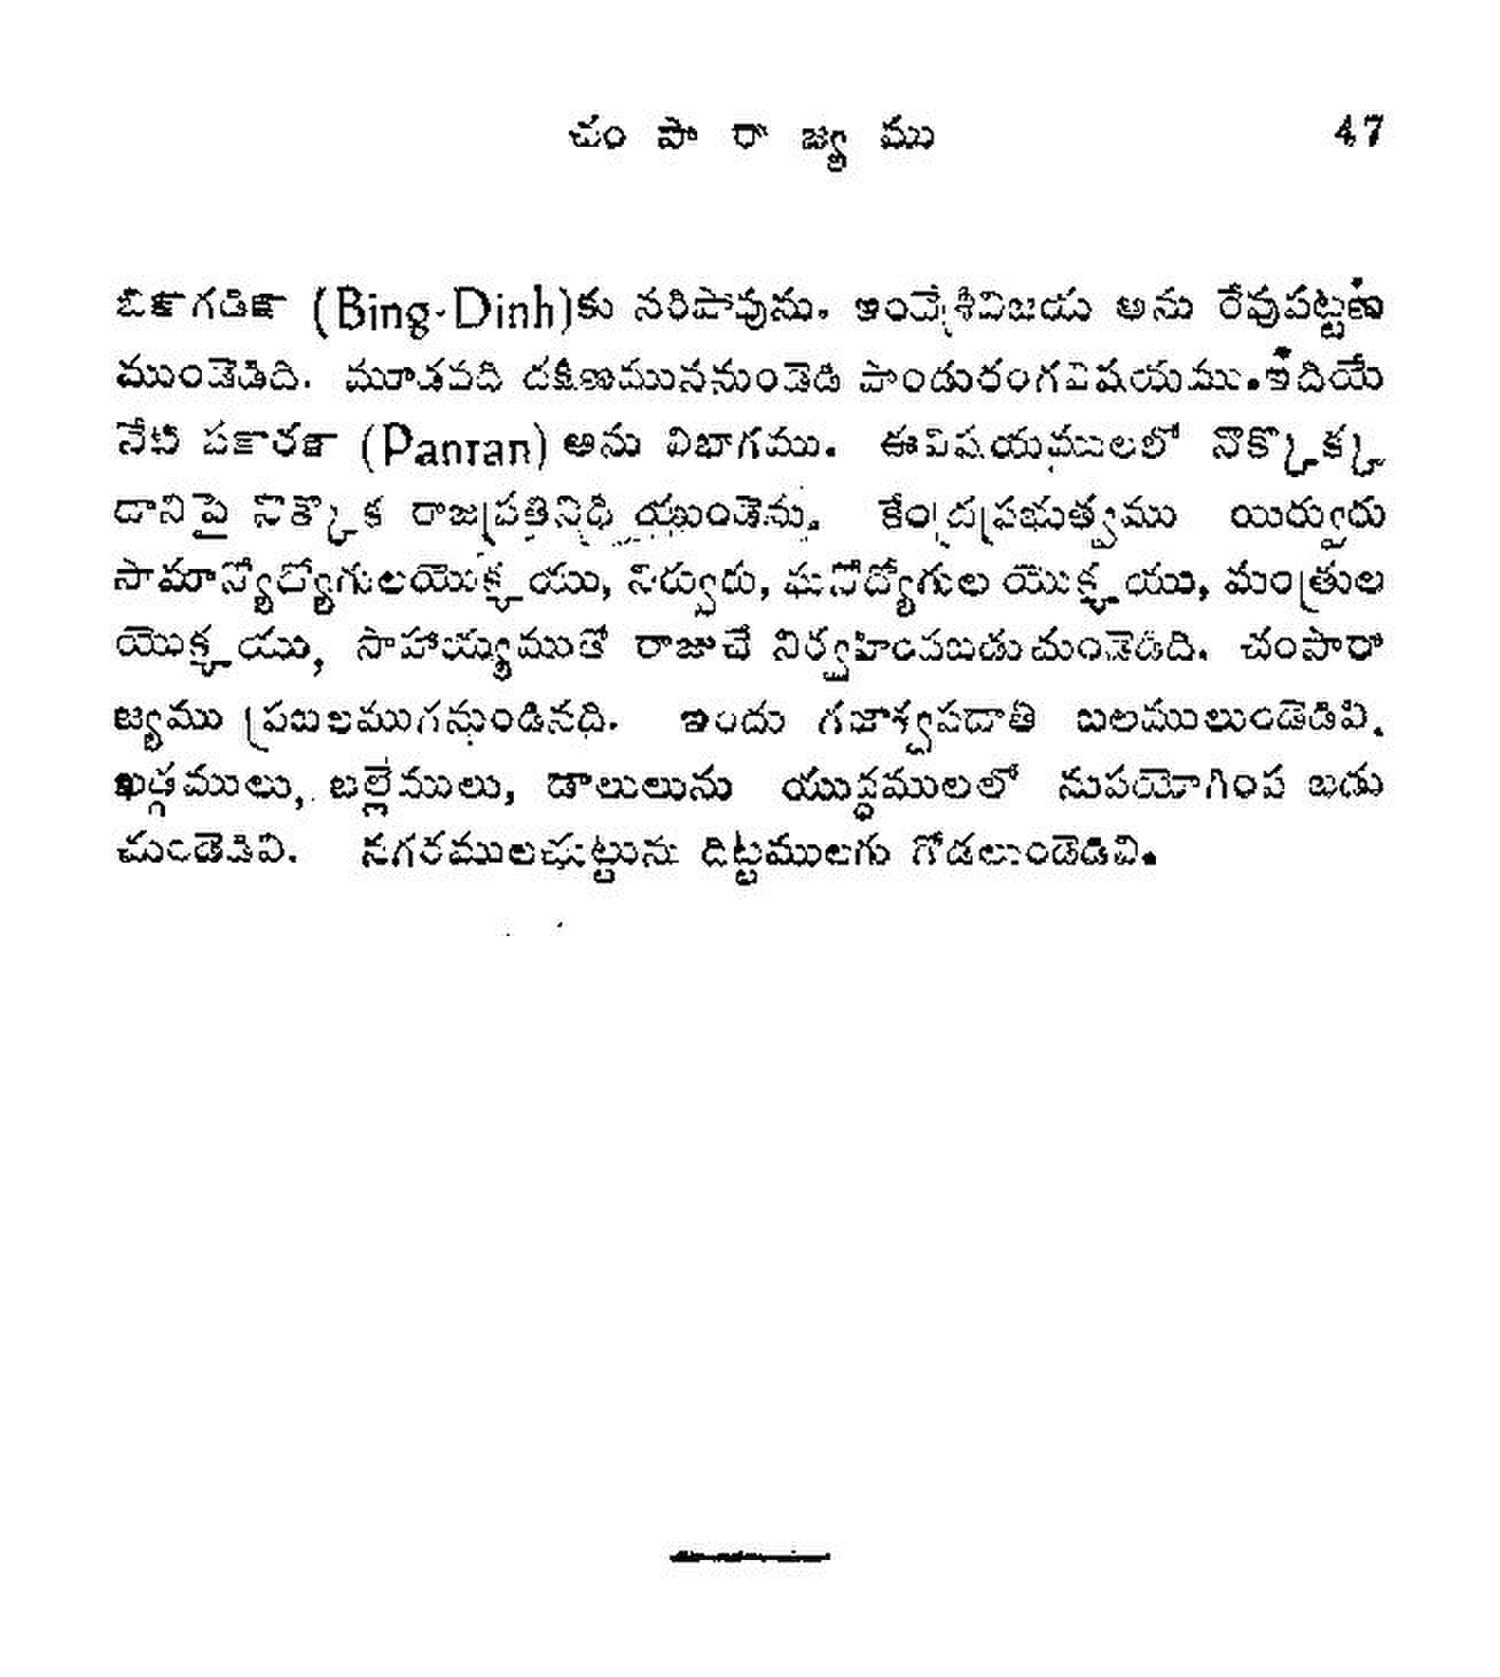బిన్‌గడిన్ (Bing-Dinh) కు సరిపోవును. ఇందేశ్రీవిజయ అను రేవుపట్టణ ముండెడిది. మూడవది దక్షిణముననుండెడి పాండురంగవిషయము. ఇదియే నేటి పన్‌రన్ (Panran) అను విభాగము. ఈవిషయములలో నొక్కొక్క దానిపై నొక్కొక రాజప్రతినిధి యుండెను. కేంద్రప్రభుత్వము యిర్వురు సామాన్యోద్యోగులయొక్కయు, నిర్వురు, ఘనోద్యోగుల యొక్కయు, మంత్రుల యొక్కయు, సాహాయ్యముతో రాజుచే నిర్వహింపబడుచుండెడిది. చంపారాజ్యము ప్రబలముగనుండినది. ఇందు గజాశ్వపదాతి బలములుండెడివి. ఖడ్గములు, బల్లెములు, డాలులును యుద్ధములలో నుపయోగింప బడుచుండెడివి. నగరములచుట్టును దిట్టములగు గోడలుండెడివి. 

______________